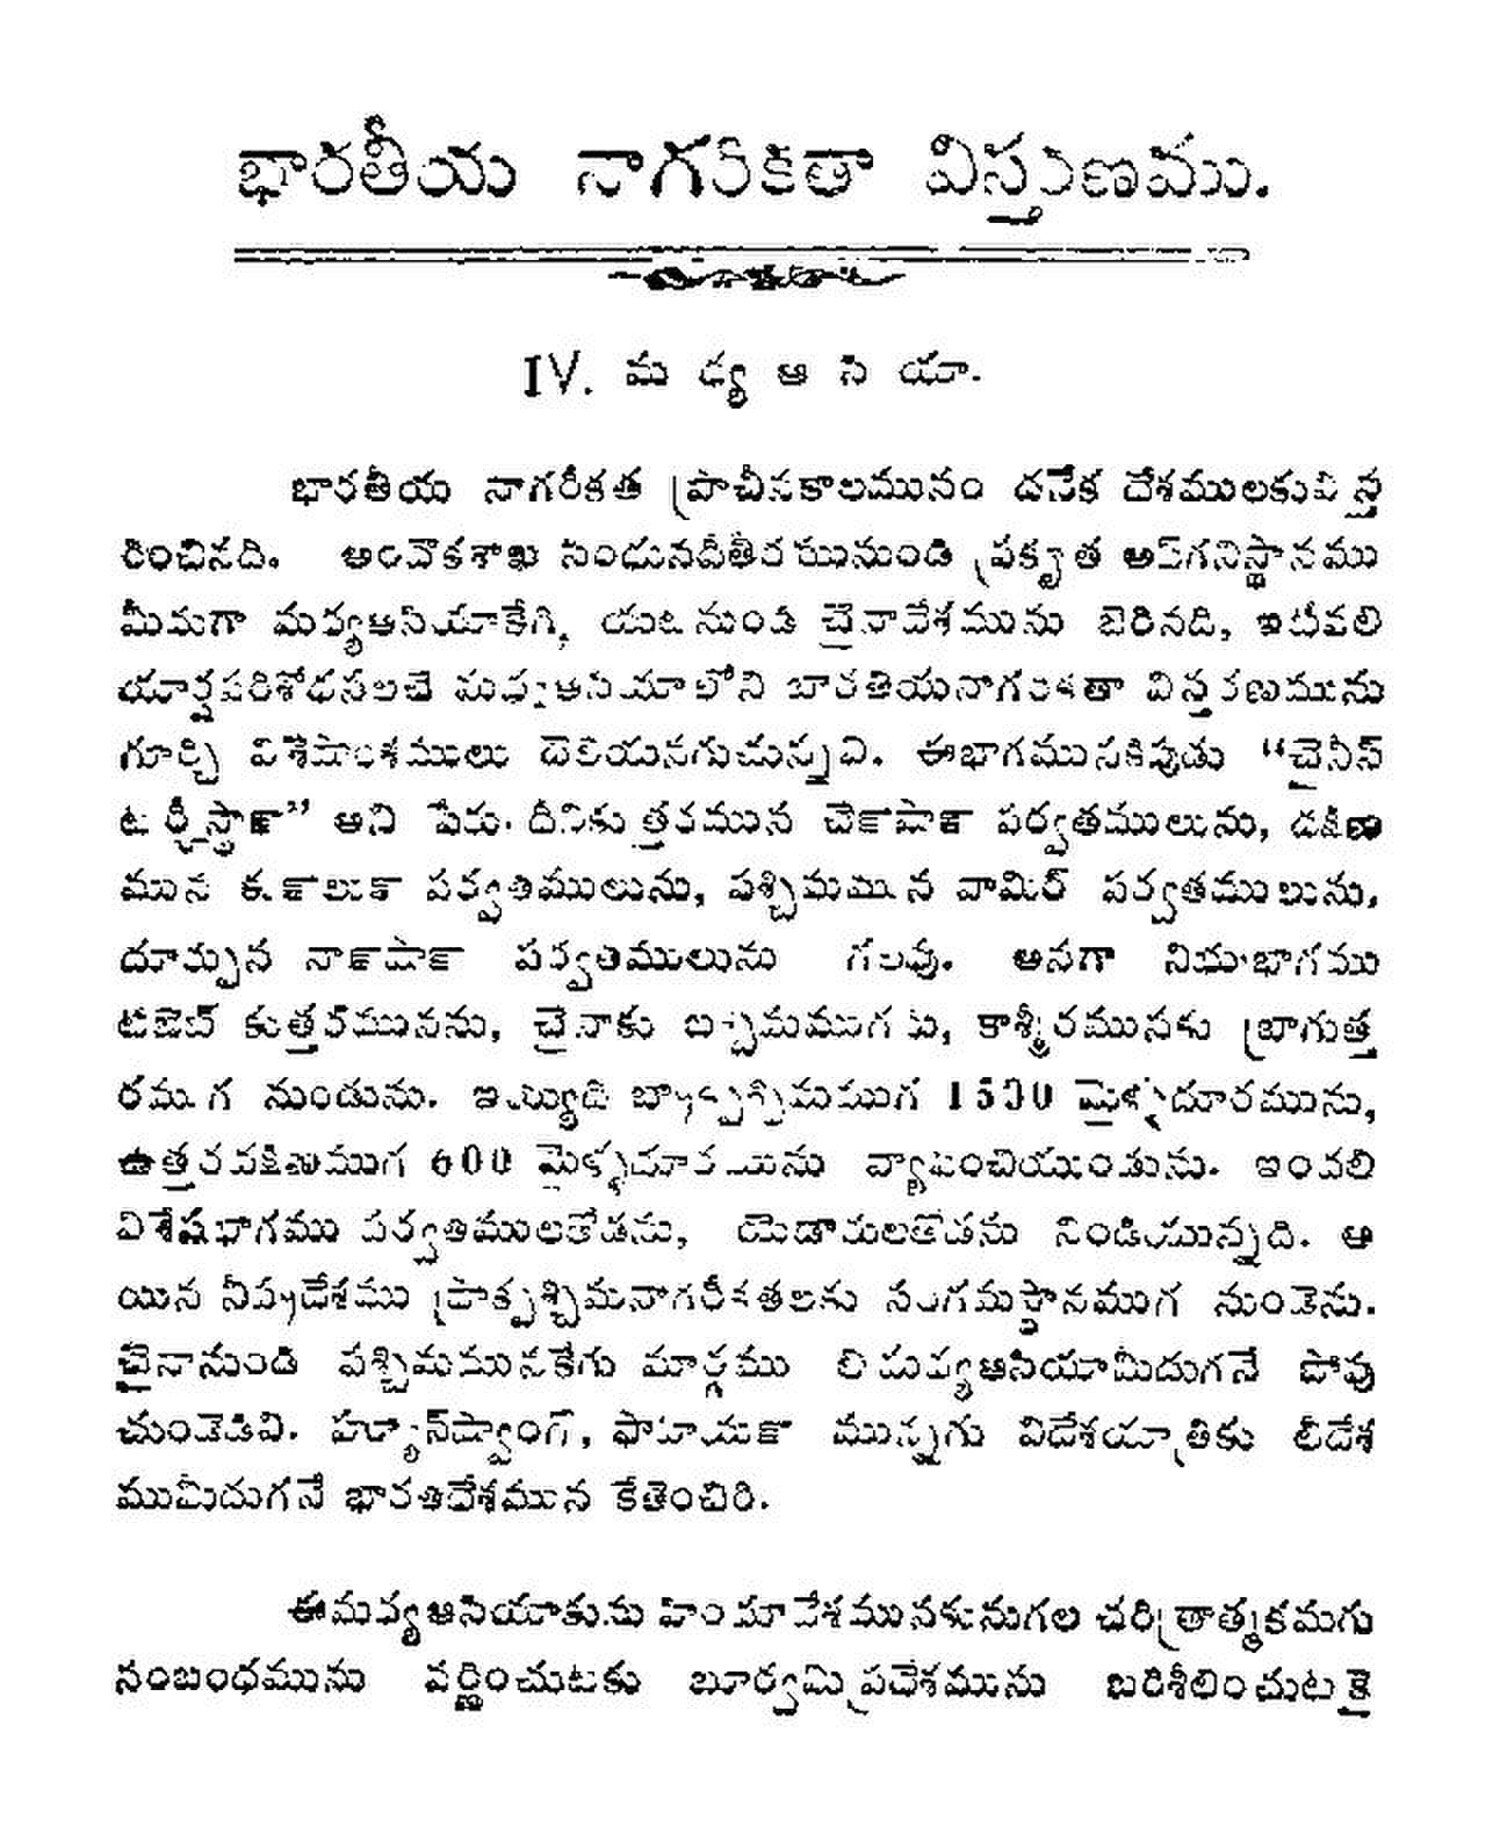భారతీయ నాగరీకత ప్రాచీనకాలమునం దనేక దేశములకు విస్తరించినది. అందొకశాఖ సింధునదీతీరమునుండి ప్రకృత ఆఫ్‌గనిస్థానము మీదుగా మధ్యఆసియాకేగి, యటనుండి చైనాదేశమును జేరినది. ఇటీవలి యార్షపరిశోధనలచె మధ్యఆసియాలోని భారతీయనాగరికతా విస్తరణమును గూర్చి విశేషాంశములు దెలియనగుచున్నవి. ఈభాగమునకిపుడు "చైనీస్ టర్కీస్థాన్" అని పేరు. దీనికుత్తరమున చెన్‌షాన్ పర్వతములును, దక్షిణమున కున్‌లున్ పర్వతములును, పశ్చిమమున వామిర్ పర్వతములును, దూర్పున నాన్‌షాన్ పర్వతములును గలవు. అనగా నీభూభాగము టిబెట్ కుత్తరమునను, చైనాకు బశ్చిమముగను, కాశ్మీరమునకు బ్రాగుత్తరముగ నుండును. ఇయ్యది బ్రాక్పశ్చిమముగ 1500 మైళ్ళదూరమును, ఉత్తరదక్షిణముగ 600 మైళ్ళదూరమును వ్యాపించియుండును. ఇందలి విశేషభాగము పర్వతములతోడను, యెడారులతోడను నిండియున్నది. అయిన నీప్రదేశము ప్రాక్పశ్చిమనాగరీకతలకు సంగమస్థానముగ నుండెను. చైనానుండి పశ్చిమమునకేగు మార్గము లీమద్యఆసియామీదుగనే పోవు చుండెడివి. హ్యూన్‌ష్వాంగ్, షాహియన్ మున్నగు విదేశయాత్రికు లీదేశముమీదుగనే భారతదేశమున కేతెంచిరి.

ఈమధ్యఆసియాకును హిందూదేశమునకునుగల చరిత్రాత్మకమగు సంబంధమును వర్ణించుటకు బూర్వమీప్రదేశమును బరిశీలించుటకై